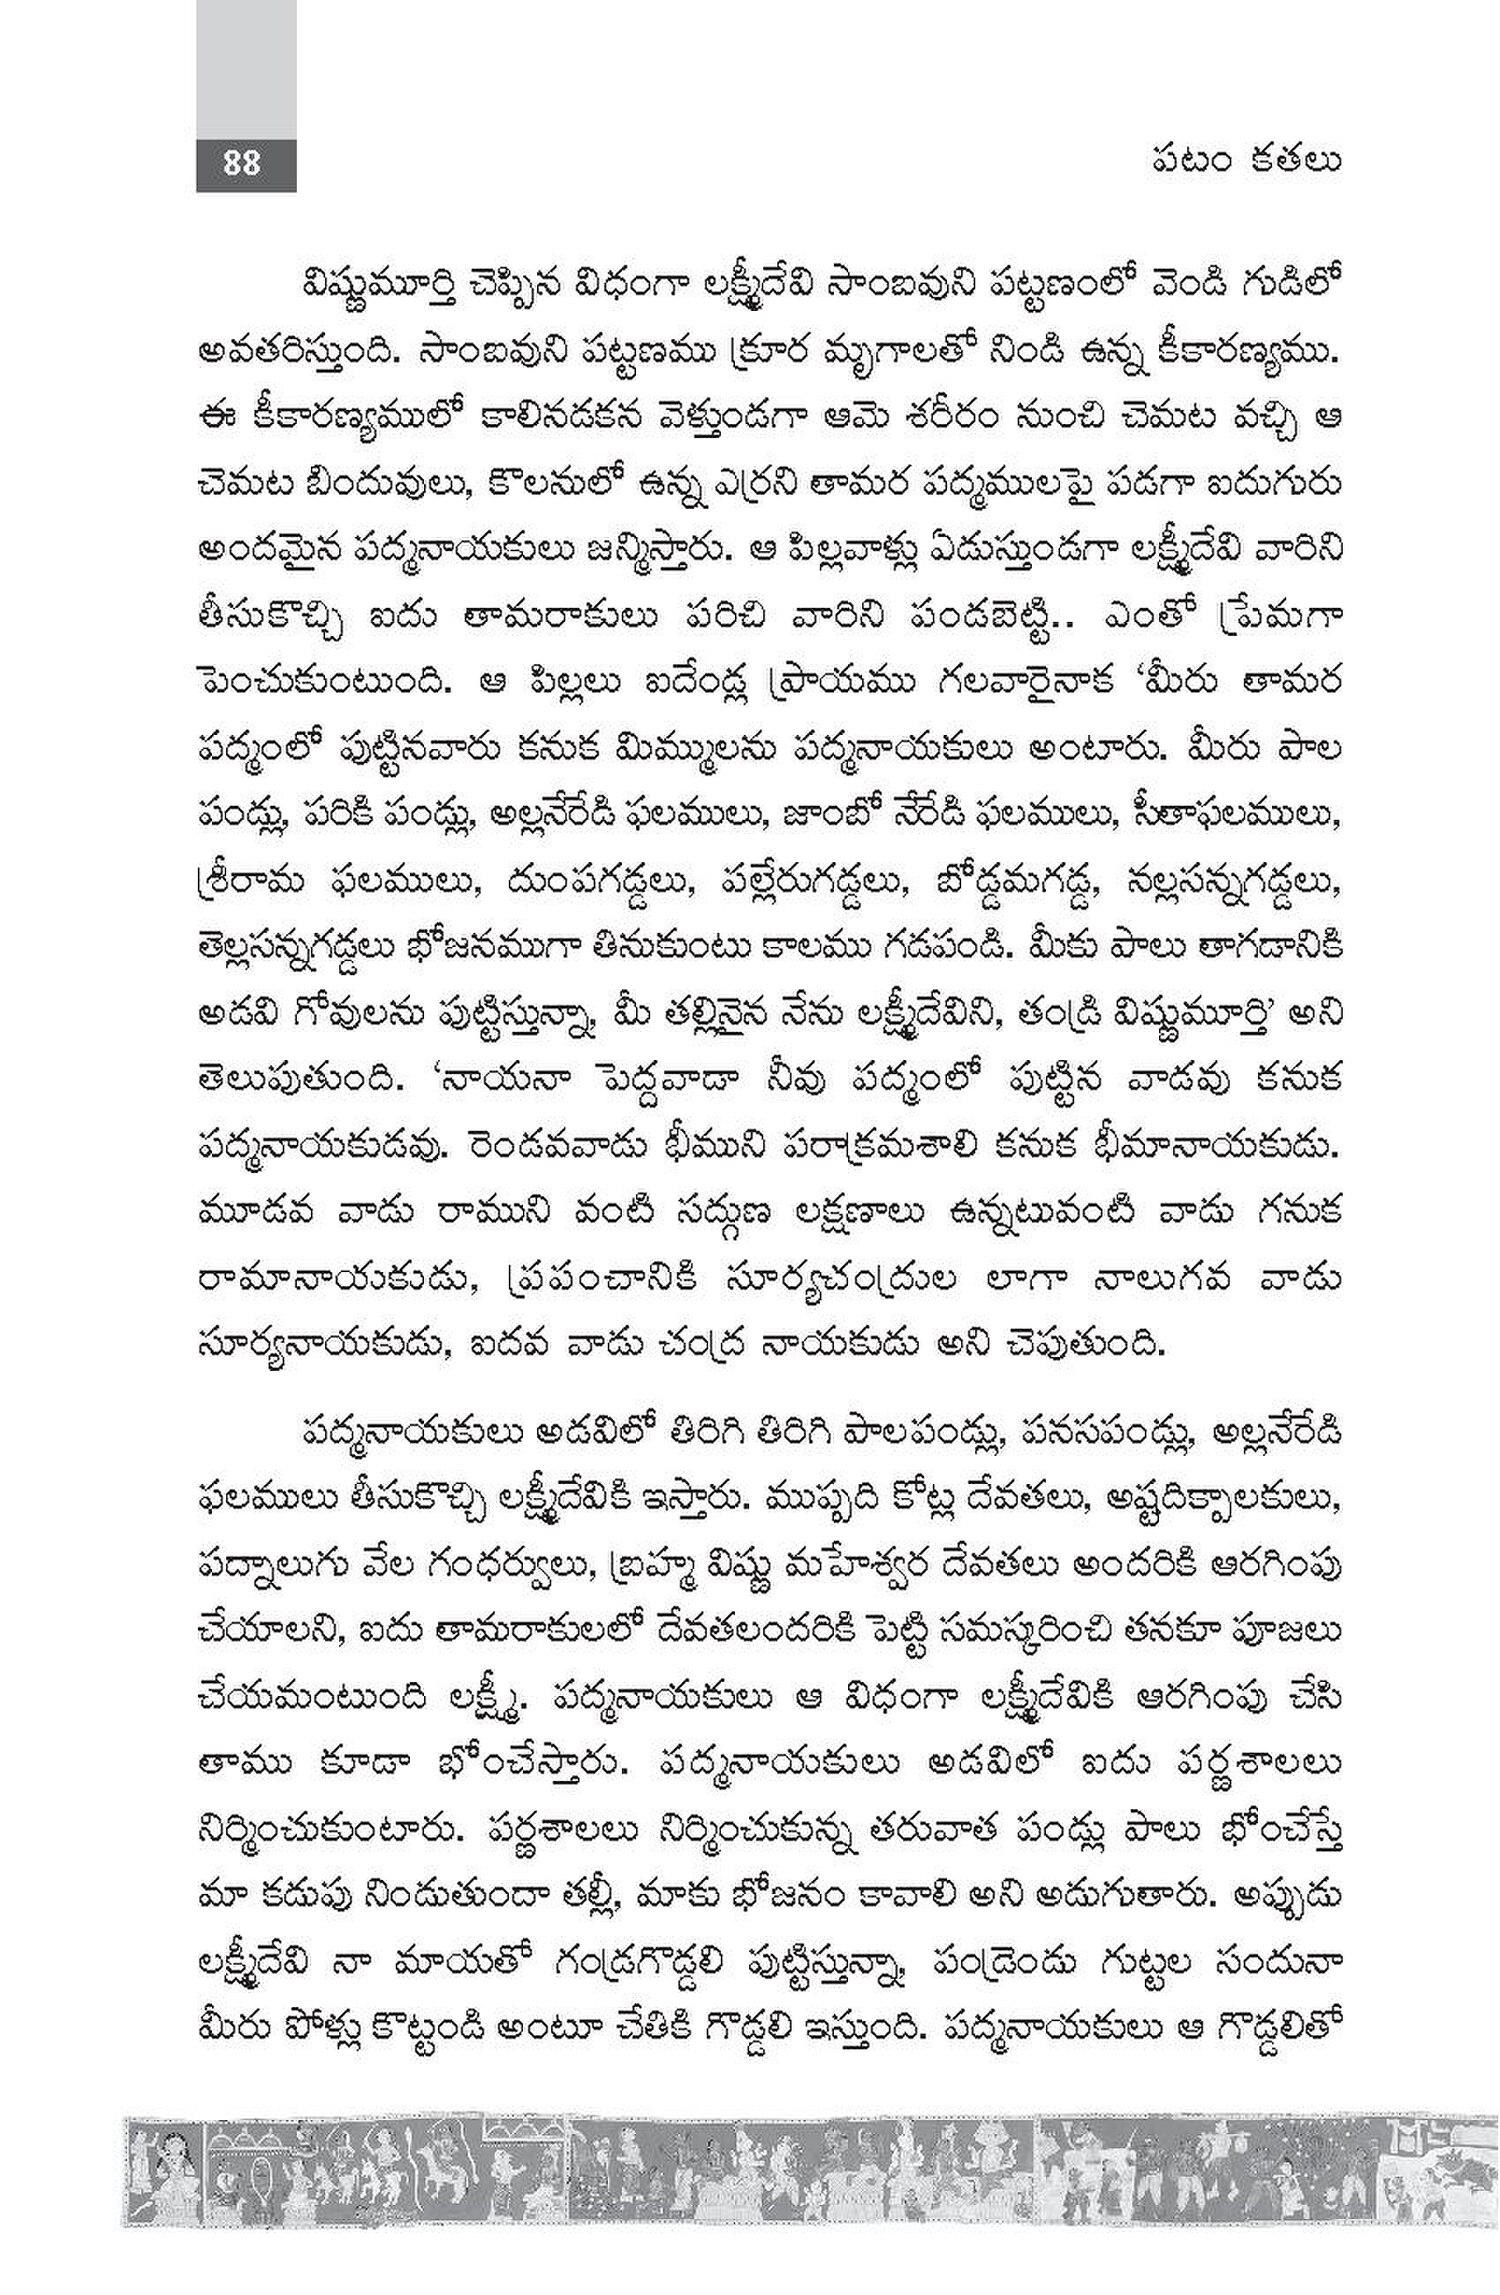విష్ణుమూర్తి చెప్పిన విధంగా లక్ష్మీదేవి సాంబవుని పట్టణంలో వెండి గుడిలో అవతరిస్తుంది. సాంబవుని పట్టణము క్రూర మృగాలతో నిండి ఉన్న కీకారణ్యము. ఈ కీకారణ్యములో కాలినడకన వెళ్తుండగా ఆమె శరీరం నుంచి చెమట వచ్చి ఆ చెమట బిందువులు, కొలనులో ఉన్న ఎర్రని తామర పద్మములపై పడగా ఐదుగురు అందమైన పద్మనాయకులు జన్మిస్తారు. ఆ పిల్లవాళ్లు ఏడుస్తుండగా లక్ష్మీదేవి వారిని తీసుకొచ్చి ఐదు తామరాకులు పరిచి వారిని పండబెట్టి.. ఎంతో ప్రేమగా పెంచుకుంటుంది. ఆ పిల్లలు ఐదేండ్ల ప్రాయము గలవారైనాక 'మీరు తామర పద్మంలో పుట్టినవారు కనుక మిమ్ములను పద్మనాయకులు అంటారు. మీరు పాల పండ్లు, పరికి పండ్లు, అల్లనేరేడి ఫలములు, జాంబో నేరేడి ఫలములు, సీతాఫలములు, శ్రీరామ ఫలములు, దుంపగడ్డలు, పల్లేరుగడ్డలు, బోడ్డమగడ్డ, నల్లసన్నగడ్డలు, తెల్లసన్న గడ్డలు భోజనముగా తినుకుంటు కాలము గడపండి. మీకు పాలు తాగడానికి అడవి గోవులను పుట్టిస్తున్నా, మీ తల్లినైన నేను లక్ష్మీదేవిని, తండ్రి విష్ణుమూర్తి' అని తెలుపుతుంది. 'నాయనా పెద్దవాడా నీవు పద్మంలో పుట్టిన వాడవు కనుక
పద్మనాయకుడవు. రెండవవాడు భీముని పరాక్రమశాలి కనుక భీమానాయకుడు. మూడవ వాడు రాముని వంటి సద్గుణ లక్షణాలు ఉన్నటువంటి వాడు గనుక రామానాయకుడు, ప్రపంచానికి సూర్యచంద్రుల లాగా నాలుగవ వాడు
సూర్యనాయకుడు, ఐదవ వాడు చంద్ర నాయకుడు అని చెపుతుంది.

పద్మనాయకులు అడవిలో తిరిగి తిరిగి పాలపండ్లు, పనసపండ్లు, అల్లనేరేడి ఫలములు తీసుకొచ్చి లక్ష్మీదేవికి ఇస్తారు. ముప్పది కోట్ల దేవతలు, అష్టదిక్పాలకులు, పద్నాలుగు వేల గంధర్వులు, బ్రహ్మ విష్ణు మహేశ్వర దేవతలు అందరికి ఆరగింపు చేయాలని, ఐదు తామరాకులలో దేవతలందరికి పెట్టి సమస్కరించి తనకూ పూజలు చేయమంటుంది లక్ష్మీ. పద్మనాయకులు ఆ విధంగా లక్ష్మీదేవికి ఆరగింపు చేసి తాము కూడా భోంచేస్తారు. పద్మనాయకులు అడవిలో ఐదు పర్ణశాలలు నిర్మించుకుంటారు. పర్ణశాలలు నిర్మించుకున్న తరువాత పండ్లు పాలు భోంచేస్తే మా కడుపు నిందుతుందా తల్లీ, మాకు భోజనం కావాలి అని అడుగుతారు. అప్పుడు లక్ష్మీదేవి నా మాయతో గండ్రగొడ్డలి పుట్టిస్తున్నా, పండ్రెండు గుట్టల సందునా మీరు పోళ్లు కొట్టండి అంటూ చేతికి గొడ్డలి ఇస్తుంది. పద్మనాయకులు ఆ గొడ్డలితో